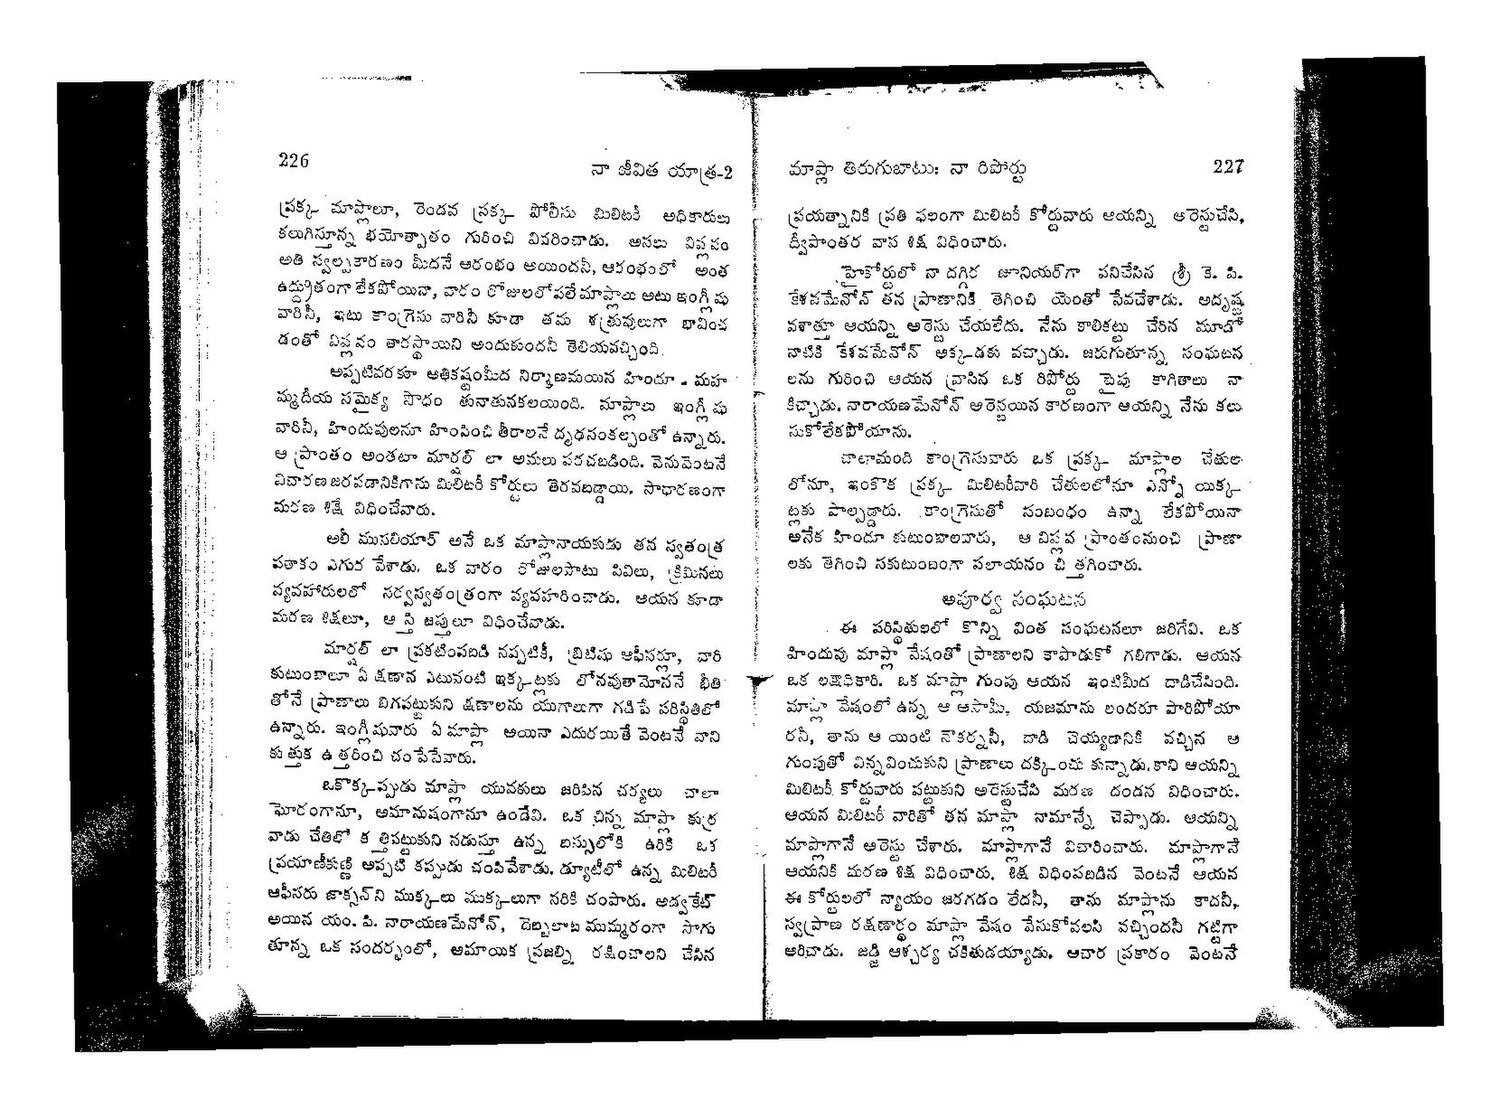ప్రయత్నానికి ప్రతి ఫలంగా మిలిటరీ కోర్టువారు ఆయన్ని అరెస్టుచేసి, ద్వీపాంతరవాస శిక్ష విధించారు.

హైకోర్టులో నా దగ్గిర జూనియర్‌గా పనిచేసిన శ్రీ కే.సి.కేశవమేనోన్ తన ప్రాణానికి తెగించి యెంతో సేవచేశాడు. అదృష్టవశాత్తూ ఆయన్ని అరెస్టు చేయలేదు. నేను కాలికట్టు చేరిన మూడోనాటికి కేశవమేనోన్ అక్కడికి వచ్చాడు. జరుగుతూన్న సంఘటనలను గురించి ఆయన వ్రాసిన ఒక రిపోర్టు టైపు కాగితాలు నా కిచ్చాడు. నారాయణమేనోన్ అరెస్టయిన కారణంగా ఆయన్ని నేను కలుసుకోలేక పోయాను. 

చాలామంది కాంగ్రెసువారు ఒక ప్రక్క మాప్లాల చేతులలోను, ఇంకొక ప్రక్క మిలిటరీవారి చేతులలోనూ ఎన్నో యిక్కట్లకు పాల్పడ్డారు. కాంగ్రెసుతో సంబంధం ఉన్నా లేకపోయినా అనేక హిందూ కుటుంబాలవారు, ఆ విప్లవ ప్రాంతంనుంచి ప్రాణాలకు తెగించి సకుటుంబంగా పలాయనం చిత్తగించారు.

ఈ పరిస్థితులలో కొన్ని వింత సంఘటనలు జరిగేవి. ఒక హిందువు మాప్లా వేషంతో ప్రాణాలని కాపాడుకో గలిగాడు. ఆయన ఒక లక్షాదికారి. ఒక మాప్లా గుంపు ఆయన ఇంటిమీద దాడిచేసింది. మాప్లా వేషంలో ఉన్న ఆ అసామి, యజమాను లందరూ పారిపోయారని, తాను ఆ యింటి నౌకర్ననీ, దాడి చెయ్యడానికి వచ్చిన ఆ గుంపుతో విన్నవించుకుని ప్రాణాలు దక్కించుకున్నాడు. కాని ఆయన్ని మిలిటరీ కోర్టువారు పట్టుకొని అరెస్టుచేసి మరణ దండన విధించారు. ఆయన మిలిటరీ వారితో తన మాప్లా నామాన్నే చెప్పాడు. ఆయన్ని మాప్లాగానే అరెస్టు చేశారు. మాప్లాగానే విచారించారు. మాప్లాగానే ఆయనకి మరణశిక్ష విధించారు. శిక్ష విధింపబడిన వెంటనే ఆయన ఈ కోర్టులలో న్యాయం జరగడం లేదనీ, తానూ మాప్లా కాదనీ, స్వప్రాణ రక్షాణార్థం మాప్లా వేషం వేసుకోవలసి వచ్చిందని గట్టిగా అరిచాడు. జడ్జీ ఆశ్చర్య చకితుడయ్యాడు. ఆచార ప్రకారం వెంటనే